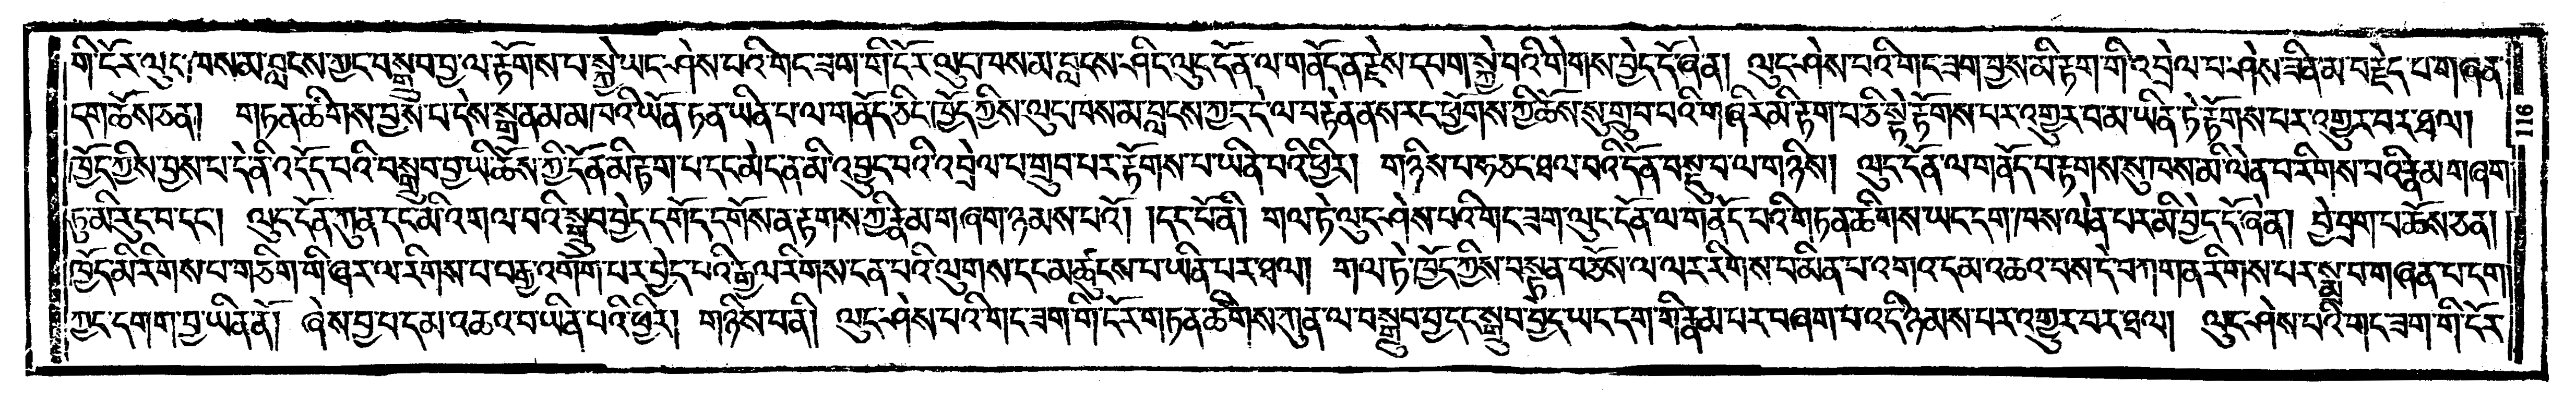གི་ངོར་ལུང་ཁས་མ་བླངས་ཀྱང་བསྒྲུབ་བྱ་ལ་རྟོགས་པ་སྐྱེ་ཡང་ཤེས་པའི་གང་ཟག་གི་ངོར་ལུང་ཁས་མ་བླངས་ཤིང་ལུང་དོན་ལ་གནོད་ན་རྗེས་དཔག་སྐྱེ་བའི་གེགས་བྱེད་དོ་ཞེ་ན། ལུང་ཤེས་པའི་གང་ཟག་བྱས་མི་རྟག་གི་འབྲེལ་པ་ཤེས་ཟིན་མ་བརྗེད་པ་གཞན་
དག་ཆོས་ཅན། གཏན་ཚིགས་བྱས་པ་དེས་སྒྲ་ནམ་མཁའི་ཡོན་ཏན་ཡིན་པ་ལ་གནོད་ཅིང་ཁྱོད་ཀྱིས་ལུང་ཁས་མ་བླངས་ཀྱང་དེ་ལ་བརྟེན་ནས་རང་ཕྱོགས་ཀྱི་ཆོས་སུ་གྲུབ་པའི་གཞིར་མི་རྟག་པ་ཅི་སྟེ་རྟོགས་པར་འགྱུར་བ་མ་ཡིན་ཏེ་རྟོགས་པར་འགྱུར་བར་ཐལ།
ཁྱོད་ཀྱིས་བྱས་པ་དེ་ནི་འདོད་པའི་བསྒྲུབ་བྱ་ཡི་ཆོས་ཀྱི་དོན་མི་རྟག་པ་དང་མེད་ན་མི་འབྱུང་བའི་འབྲེལ་བ་གྲུབ་པར་རྟོགས་པ་ཡིན་པའི་ཕྱིར། གཉིས་པ་ཧ་ཅང་ཐལ་བའི་དོན་བསྡུ་བ་ལ་གཉིས། ལུང་དོན་ལ་གནོད་པ་རྟགས་སུ་ཁས་མི་ལེན་པ་རིགས་པའི་རྣམ་གཞག་
ཏུ་མི་རུང་བ་དང་། ལུང་དོན་ཀུན་དང་མི་འགལ་བའི་སྒྲུབ་བྱེད་དགོད་དགོས་ན་རྟགས་ཀྱི་རྣམ་གཞག་ཉམས་པའོ། །དང་པོ་ནི། གལ་ཏེ་ལུང་ཤེས་པའི་གང་ཟག་ལུང་དོན་ལ་གནོད་པའི་གཏན་ཚིགས་ཡང་དག་ཁས་ལེན་པར་མི་བྱེད་དོ་ཞེ་ན། བྱེ་བྲག་པ་ཆོས་ཅན།
ཁྱོད་མི་རིགས་པ་གཅིག་གི་ཞར་ལ་རིགས་པ་བརྒྱ་འགོག་པར་བྱེད་པའི་རྒྱལ་རིགས་ངན་པའི་ལུགས་དང་མཚུངས་པ་ཡིན་པར་ཐལ། གལ་ཏེ་ཁྱོད་ཀྱིས་བསྟན་བཅོས་ལ་ལར་རིགས་པ་མིན་པ་འགའ་དམ་འཆའ་བས་དེ་བཀག་ན་རིགས་པར་སྨྲ་བ་གཞན་པ་དག་
ཀྱང་དགག་བྱ་ཡིན་ནོ། ཞེས་བྱ་བ་དམ་འཆའ་བ་ཡིན་པའི་ཕྱིར། གཉིས་པ་ནི། ལུང་ཤེས་པའི་གང་ཟག་གི་ངོར་གཏན་ཚིགས་ཀུན་ལ་བསྒྲུབ་བྱ་དང་སྒྲུབ་བྱེད་ཡང་དག་གི་རྣམ་པར་བཞག་པ་འདི་ཉམས་པར་འགྱུར་བར་ཐལ། ལུང་ཤེས་པའི་གང་ཟག་གི་ངོར་